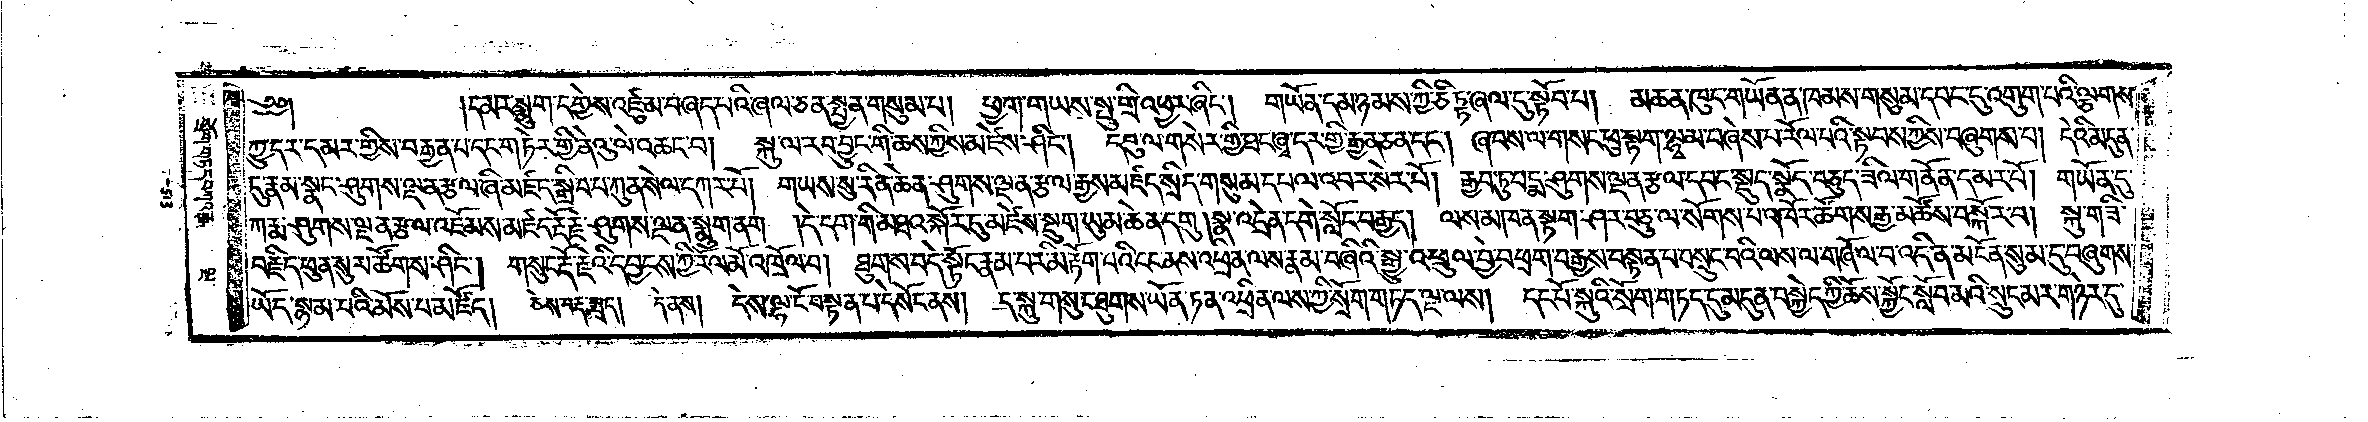༄༅། །དམར་སྨུག་དགྱེས་འཛུམ་བཞད་པའི་ཞལ་ཅན་སྤྱན་གསུམ་པ། ཕྱག་གཡས་སྤུ་གྲི་འཕྱར་ཞིང་། གཡོན་དམ་ཉམས་ཀྱི་ཙིཏྟ་ཞལ་དུ་སྟོབ་པ། མཆན་ཁུང་གཡོན་ན་ཁམས་གསུམ་དབང་དུ་འགུག་པའི་ལྕགས་
ཀྱུ་དར་དམར་གྱིས་བརྒྱན་པ་དང་གཏེར་གྱི་ནེའུ་ལེ་འཆང་བ། སྐུ་ལ་རབ་བྱུང་གི་ཆས་ཀྱིས་མཛེས་ཤིང་། དབུ་ལ་གསེར་གྱི་ཐང་ཞྭ་དར་གྱི་རྒྱན་ཅན་དང་། ཞབས་ལ་གསང་ཕུ་སྟག་ལྷྭ་མ་བཞེས་པ་རོལ་པའི་སྟབས་ཀྱིས་བཞུགས་པ། དེའི་མདུན་
དུ་རྣམ་སྣང་ཤུགས་ལྡན་རྩལ་ཞི་མཛད་སྒྲིབ་པ་ཀུན་སེལ་དཀར་པོ། གཡས་སུ་རིན་ཆེན་ཤུགས་ལྡན་རྩལ་རྒྱས་མཛད་སྲིད་གསུམ་དཔལ་འབར་སེར་པོ། རྒྱབ་ཏུ་པདམ་ཤུགས་ལྡན་རྩལ་དབང་སྡུད་སྣོད་བཅུད་ཟིལ་གནོན་དམར་པོ། གཡོན་དུ་
ཀརྨ་ཤུགས་ལྡན་རྩལ་འཇོམས་མཛད་རྡོ་རྗེ་ཤུགས་ལྡན་སྨུག་ནག །དེ་དག་གི་མཐའ་སྐོར་དུ་མཛེས་སྡུག་ཡུམ་ཆེན་དགུ །སྣ་འདྲེན་དགེ་སློང་བརྒྱད། ལས་མཁན་སྟག་ཤར་བཅུ་ལ་སོགས་པ་འཁོར་ཚོགས་རྒྱ་མཚོས་བསྐོར་བ། སྐུ་གཟི་
བརྗིད་ཕུན་སུམ་ཚོགས་ཤིང་། གསུང་རྡོ་རྗེའི་དབྱངས་ཀྱི་རོལ་མོ་འཁྲོལ་བ། ཐུགས་བདེ་སྟོང་རྣམ་པར་མི་རྟོག་པའི་ངང་ནས་འཕྲིན་ལས་རྣམ་བཞིའི་སྒྱུ་འཕྲུལ་བྱེ་བ་ཕྲག་བརྒྱས་བསྟན་པ་བསྲུང་བའི་ལས་ལ་གཞོལ་བ་འདི་ན་མངོན་སུམ་དུ་བཞུགས་
ཡོད་སྙམ་པའི་མོས་པ་མཛོད། ཅེས་བརྡ་སྦྲད། དེ་ནས།  དེས་ལྷ་ངོ་བསྟན་པ་དེ་སོང་ནས། ད་སྐུ་གསུང་ཐུགས་ཡོན་ཏན་འཕྲིན་ལས་ཀྱི་སྲོག་གཏད་ལྔ་ལས། དང་གོ་སྐུའི་སྲོག་གཏད་དུ་མདུན་བསྐྱེད་ཀྱི་ཆོས་སྐྱོང་སློབ་མའི་སྲུང་མར་གཉེར་དུ་